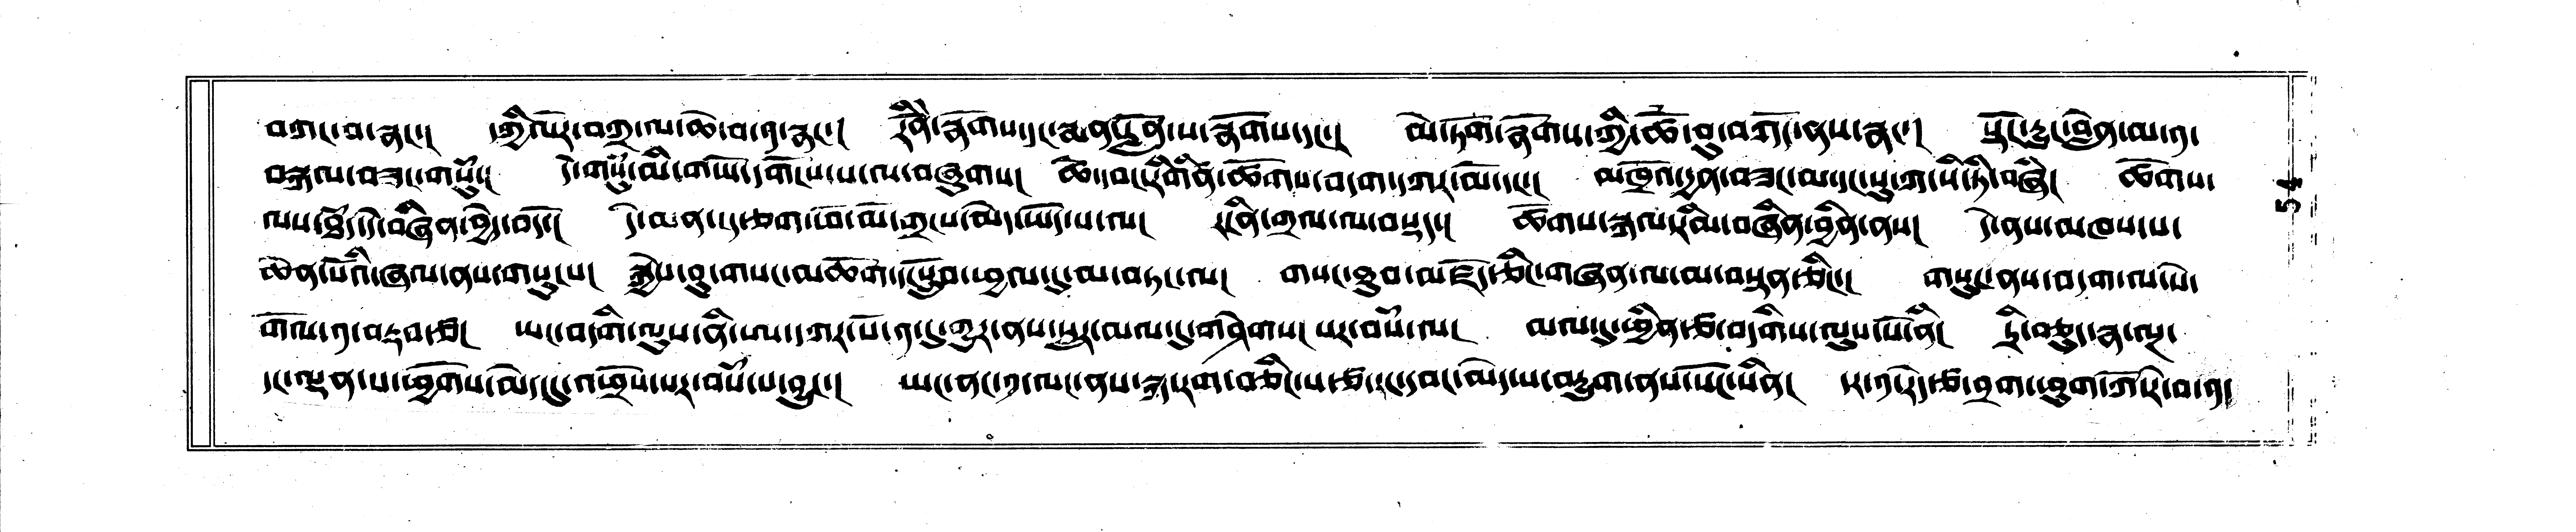བཀང་བ་སྣང་། དཀྱིལ་འཁོར་བཀྲ་ལ་ཆེ་བ་གཅིག་སྣང་། རིན་པོ་ཆེ་སྣ་ཚོགས་དང་སྨན་རློན་པ་སྣ་ཚོགས་དང་། མེ་ཏོག་སྣ་ཚོགས་ཀྱི་ཚོམ་བུ་བཀོད་ནས་སྣང་། སྟོང་རྒྱུང་བླ་ཆེན་མ་
བསྐལ་བཟང་གསུམ། དེ་གསུམ་མི་གཡོ་དགོངས་པ་ལ་བཞུགས། ཚེ་དབང་རིག་འཛིན་ཚོགས་བདག་དཀར་མོ་དང་། མཁའ་འགྲོ་རྒྱན་བཟང་མ་དང་སུ་ཀ་སི་ཏི་བཞི། ཚོགས་
ལས་ཐམས་ཅད་དེ་བཞིན་བྱེད་བདོ། དེ་མན་ངེད་ཅག་ཕོ་མོ་གྲངས་མེད་ཡོད་པ་ལ། རང་བཞིན་གྲལ་ལ་བསྡད། ཚོགས་སྐལ་རིམ་བཞིན་བྱིན་ནས། དེ་ནས་མཁས་པ་
ཆེན་པོའི་ཞལ་ནས་གསུངས། སྐྱེས་བུ་གསང་མཆོག་དངོས་གྲུབ་ཕྱལ་དུ་མ་བཏང་ལ། གསང་ཐུབ་མཛོད་ཅིང་གཞན་ལ་མ་བསྟན་ཅིང་། གསུང་ནས་བདག་ལ་སེ་
གོལ་གཅིག་བརྡབ་ཙ། ཡང་བདག་གི་ལུས་ནི་ཨ་དཀར་པོ་གཅིག་ཏུ་གྱུར་ནས་སླར་མལ་དུ་གཤེགས་པར་བསམ་ལ། མལ་དུ་ཕྱིན་ཙ་བདག་གིས་ལུས་པོ་ནི། དྲི་བཅུད་སྣ་ལྔ་
དང་ལྡན་པ་ཕྱོགས་མེད་དུ་འཕྲོས་པར་བསམ་པ་བྱུང་། ཡང་ནང་གཅིག་ལངས་ནས་སྐ་རགས་བཅིང་པ་ཙ་རང་དབང་མེད་པར་རྒྱུགས་ནས་སོང་སིན། དར་གཅིག་རེད་ཙ་བྲག་ཕུག་ཀོ་རེ་བ་གཅིག་